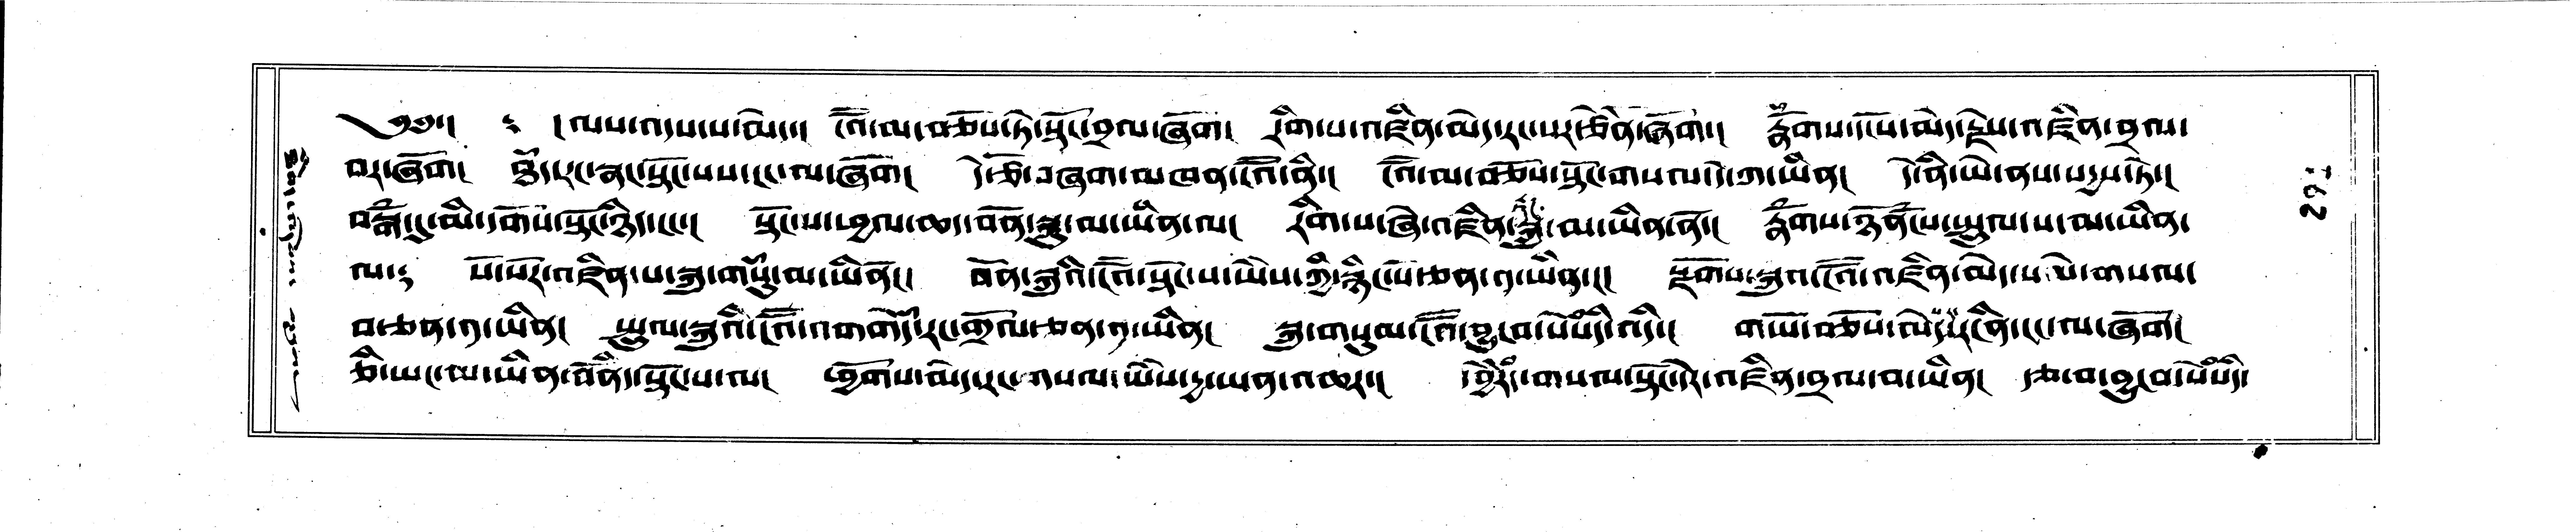ལས་འདས་པ་མེད། ངོའོ་མ་བཅོས་སྟོང་རྟོག་བྲལ་བར་ཞོག རིག་པ་འཛིན་མེད་རང་སར་ཙེན་ནེ་ཞོག རྣམ་རྟོག་དངོས་མེད་རྗེས་འཛིན་བྲལ་
བར་ཞོག ཐམས་ཅད་རང་སྣང་སྟོང་པའི་ངང་དུ་ཞོག དེ་ཚོ་བཞག་མཁན་ངོའོ་ནི། ངོའོ་མ་བཅོས་སྟོང་གསལ་འདི་ཀ་ཡིན། འདི་ནི་ཡེ་ནས་སངས་རྒྱས་ཏེ། 
སྒོམས་དུ་མི་དགོས་སྟོང་ཉིད་ངང་། སྟོང་པ་ཕྱལ་ཆད་བོན་སྐུ་མ་ཡིན་ལ། རྟོག་པ་ཞེ་འཛིན་རྫོགས་སྐུ་མ་ཡིན་ནོ། རྣམ་རྟོག་ཉོན་མོངས་སྤྲུལ་སྐུ་མ་ཡིན
ལ། སོ་སོར་འཛིན་པ་སྐུ་གསུམ་མ་ཡིན་ནོ། བོན་སྐུའི་ངོའོ་སྟོང་པ་ཡེ་ཤེས་ཀྱིས་སྙིང་པོ་ཅན་གཅིག་ཡིན། རྫོགས་སྐུའི་ངོའོ་འཛིན་མེད་དུ་སལེ་གསལ་
བ་ཅན་གཅིག་ཡིན། སྤྲུལ་སྐུ་ངོའོ་འགག་མེད་རང་གྲོལ་ཅན་གཅིག་ཡིན། སྐུ་གསུམ་གྱིས་ངོའོ་བྱང་ཆུབ་སེམས་ཉིད་ཡིན། གཡོ་བཅོས་མེད་དེ་རང་བཞིན་ངང་ལ་ཞོག 
ཅི་ཡང་མ་ཡིན་བོན་ཉིད་སྟོང་པ་ལ། ཕྱོགས་མེད་ཡེ་ཤེས་རང་གསལ་རྒྱ་ཡན་འཆར། དབྱེར་མེད་གསལ་སྟོང་དེར་འཛིན་བྲལ་བའོ། རྩ་བ་བྱང་ཆུབ་སེམས་ཉིད་